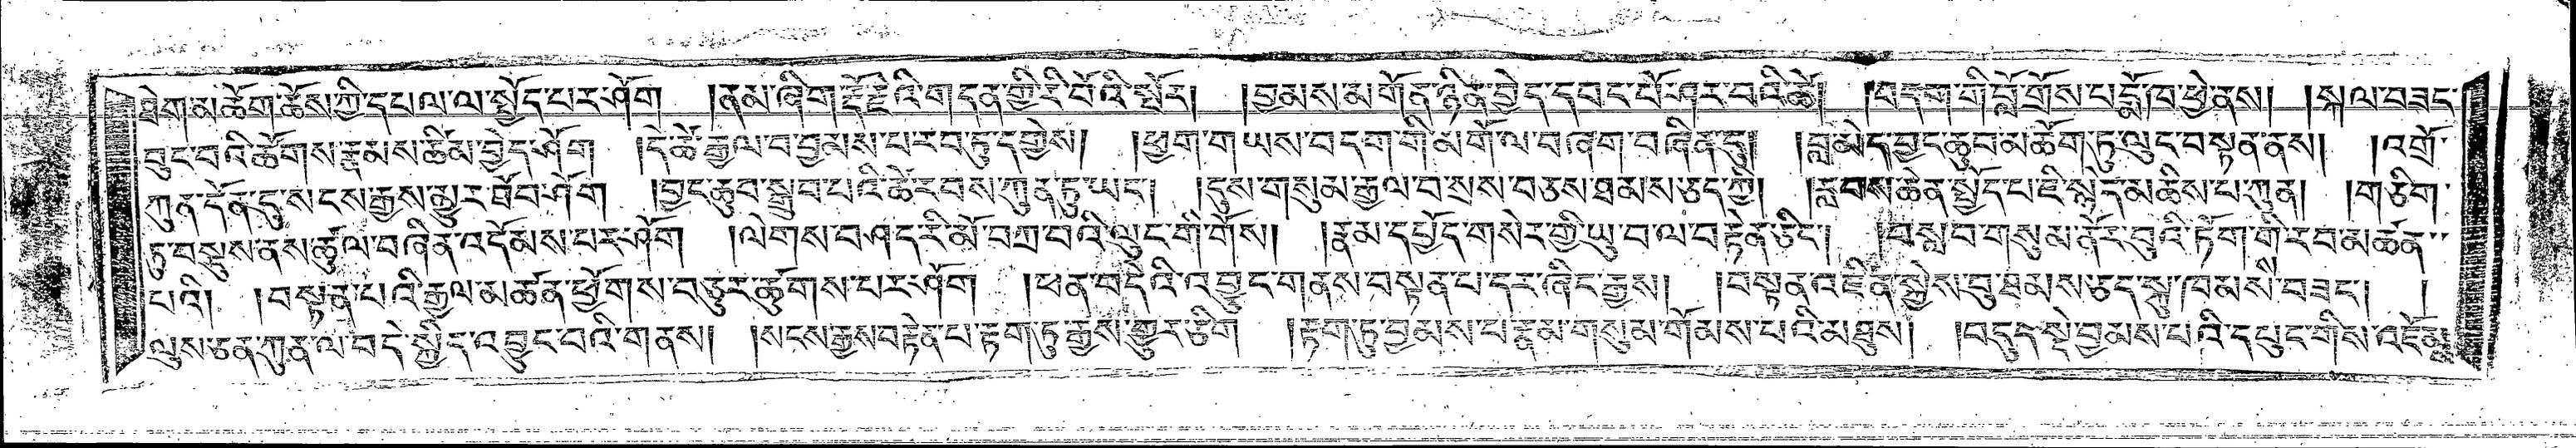ཐེག་མཆོག་ཆོས་ཀྱི་དཔལ་ལ་སྤྱོད་པར་ཤོག །ནམ་ཞིག་རྡོ་རྗེའི་གདན་གྱི་རི་བོའི་སྤོར། །བྱམས་མགོན་ཉིན་བྱེད་དབང་པོ་ཤར་བའི་ཚེ། །བདག་གི་བློ་གྲོས་པདམོ་ཁ་ཕྱེ་ནས། །སྐལ་བཟང་
བུང་བའི་ཚོགས་རྣམས་ཚིམ་བྱེད་ཤོག །དེ་ཚེ་རྒྱལ་བ་བྱམས་པ་རབ་ཏུ་དགྱེས། །ཕྱག་གཡས་བདག་གི་མགོ་ལ་བཞག་བཞིན་དུ། །བླ་མེད་བྱང་ཆུབ་མཆོག་ཏུ་ལུང་བསྟན་ནས། །འགྲོ་
ཀུན་དོན་དུ་སངས་རྒྱས་མྱུར་ཐོབ་ཤོག །བྱང་ཆུབ་སྒྲུབ་པའི་ཚེ་རབས་ཀུན་ཏུ་ཡང་། །དུས་གསུམ་རྒྱལ་བ་སྲས་བཅས་ཐམས་ཅད་ཀྱི། །རླབས་ཆེན་སྤྱོད་པ་ཇི་སྙེད་མཆིས་པ་ཀུན། །གཅིག་
ཏུ་བསྡུས་ནས་ཚུལ་བཞིན་འདོམས་པར་ཤོག །ལེགས་བཤད་རི་མོ་བཀྲ་བའི་ལུང་གི་གོས། །རྣམ་དཔྱོད་གསེར་གྱི་ཡུ་བ་ལ་བརྟེན་ཅིང་། །བསླབ་གསུམ་ནོར་བུའི་ཏོག་གིས་རབ་མཚན་
པའི། །བསྟན་པའི་རྒྱལ་མཚན་ཕྱོགས་བཅུར་ཚུགས་པར་ཤོག །ཕན་བདེའི་འབྱུང་གནས་བསྟན་པ་དར་ཞིང་རྒྱས། །བསྟན་འཛིན་སྐྱེས་བུ་ཐམས་ཅད་སྐུ་ཁམས་བཟང་། །
ལུས་ཅན་ཀུན་ལ་བདེ་སྐྱིད་འབྱུང་བའི་གནས། །སངས་རྒྱས་བརྟེན་པ་རྟག་ཏུ་རྒྱས་གྱུར་ཅིག །རྟག་ཏུ་བྱམས་པ་རྣམ་གསུམ་གོམས་པའི་མཐུས། །བདུད་སྡེ་བྱམས་པའི་དཔུང་གིས་འཇོམས་